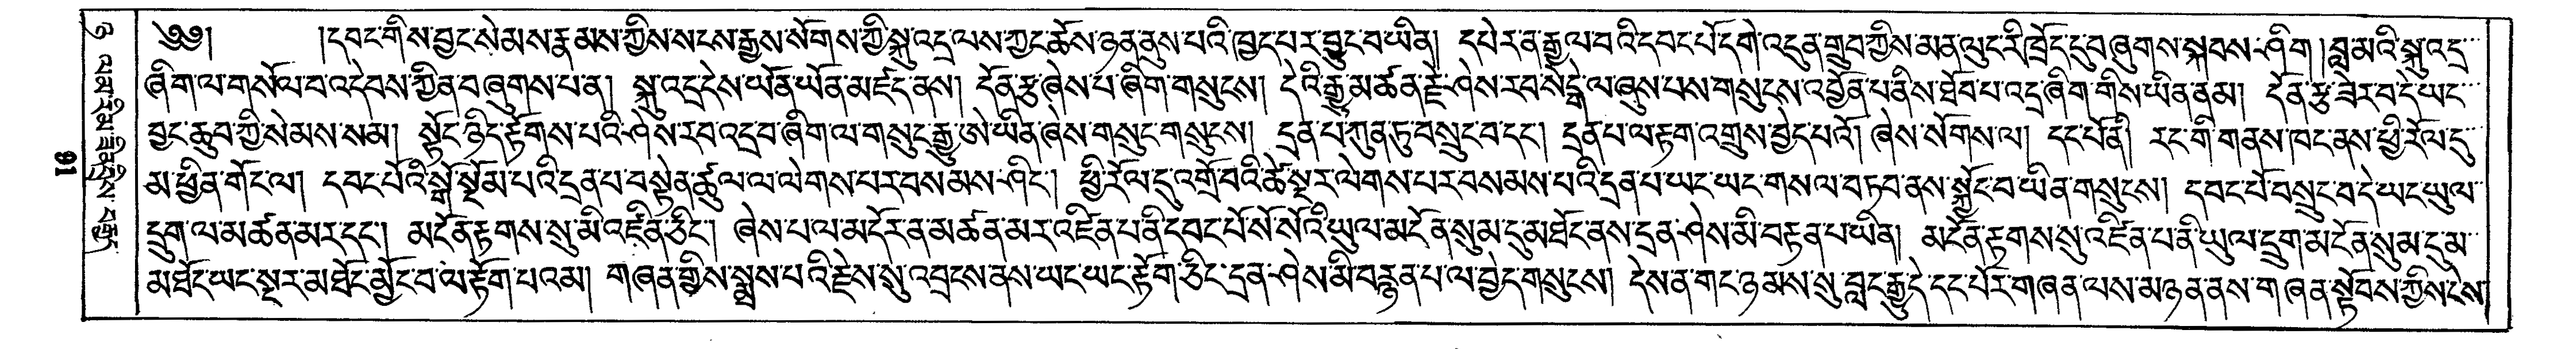༄༅། །དབང་གིས་བྱང་སེམས་རྣམས་ཀྱིས་སངས་རྒྱས་སོགས་ཀྱི་སྐུ་འདྲ་ལས་ཀྱང་ཆོས་ཉན་ནུས་བའི་ཁྱད་པར་བྱུང་བ་ཡིན། དཔེར་ན་རྒྱལ་བའི་དབང་པོ་དགེ་འདུན་གྲུབ་ཀྱིས་མན་ལུང་རི་ཁྲོད་དུ་བཞུགས་སྐབས་ཤིག །བླ་མའི་སྐུ་འདྲ་
ཞིག་ལ་གསོལ་བ་འདེབས་ཀྱིན་བཞུགས་པ་ན། སྐུ་འདྲ་དེས་ཡོན་ཡོན་མཛད་ནས། དོན་རྩ་ཞེས་པ་ཞིག་གསུངས། དེའི་རྒྱུ་མཚན་རྗེ་ཤེས་རབ་སེངྒེ་ལ་ཞུས་པས་གསུངས་འབྱོན་པ་ནི་ས་ཐོབ་པ་འདྲ་ཞིག་གིས་ཡིན་ནམ། དོན་རྩ་ཟེར་བ་དེ་ཡང་
བྱང་ཆུབ་ཀྱི་སེམས་སམ། སྟོང་ཉིད་རྟོགས་པའི་ཤེས་རབ་འདྲ་བ་ཞིག་ལ་གསུང་རྒྱུ་ཨེ་ཡིན་ཞེས་གསུང་གསུངས། དྲན་པ་ཀུན་ཏུ་བསྲུང་བ་དང་། དྲན་པ་ལ་རྟག་འགྲུས་བྱེད་པའོ། ཞེས་སོགས་ལ། དང་པོ་ནི། རང་གི་གནས་ཁང་ནས་ཕྱི་རོལ་དུ་
མ་ཕྱིན་གོང་ལ། དབང་པོའི་སྒོ་སྡོམ་པའི་དྲན་པ་བསྟེན་ཚུལ་ལ་ལེགས་པར་བསམས་ཤིང་། ཕྱི་རོལ་དུ་འགྲོ་བའི་ཚེ་སྔར་ལེགས་པར་བསམས་པའི་དྲན་པ་ཡང་ཡང་གསལ་བཏབ་ནས་སྐྱོང་བ་ཡིན་གསུངས། དབང་པོ་བསྲུང་བདེ་ཡང་ཡུལ་
དྲུག་ལ་མཚན་མར་དང་། མངོན་རྟགས་སུ་མི་འཛིན་ཅིང་། ཞེས་པ་ལ་མདོར་ན་མཚན་མར་འཇིན་པ་ནི་དབང་པོ་སོ་སོའི་ཡུལ་མངོན་སུམ་དུ་མཐོང་ནས་དྲན་ཤེས་མི་བརྟན་པ་ཡིན། མངོན་རྟགས་སུ་འཛིན་པ་ནི་ཡུལ་དྲུག་མངོན་སུམ་དུ་མ་
མཐོང་ཡང་སྔར་མཐོང་མྱོང་བ་ལ་རྟོག་པའམ། གཞན་གྱིས་སྨྲས་པའི་རྗེས་སུ་འབྲངས་ནས་ཡང་ཡང་རྟོག་ཅིང་དྲན་ཤེས་མི་བརྟན་པ་ལ་བྱེད་གསུངས། དེས་ན་གང་ཉམས་སུ་བླང་རྒྱུ་དེ་དང་པོར་གཞན་ལས་མཉན་ནས་གཞན་སྟོབས་ཀྱིས་ངེས་